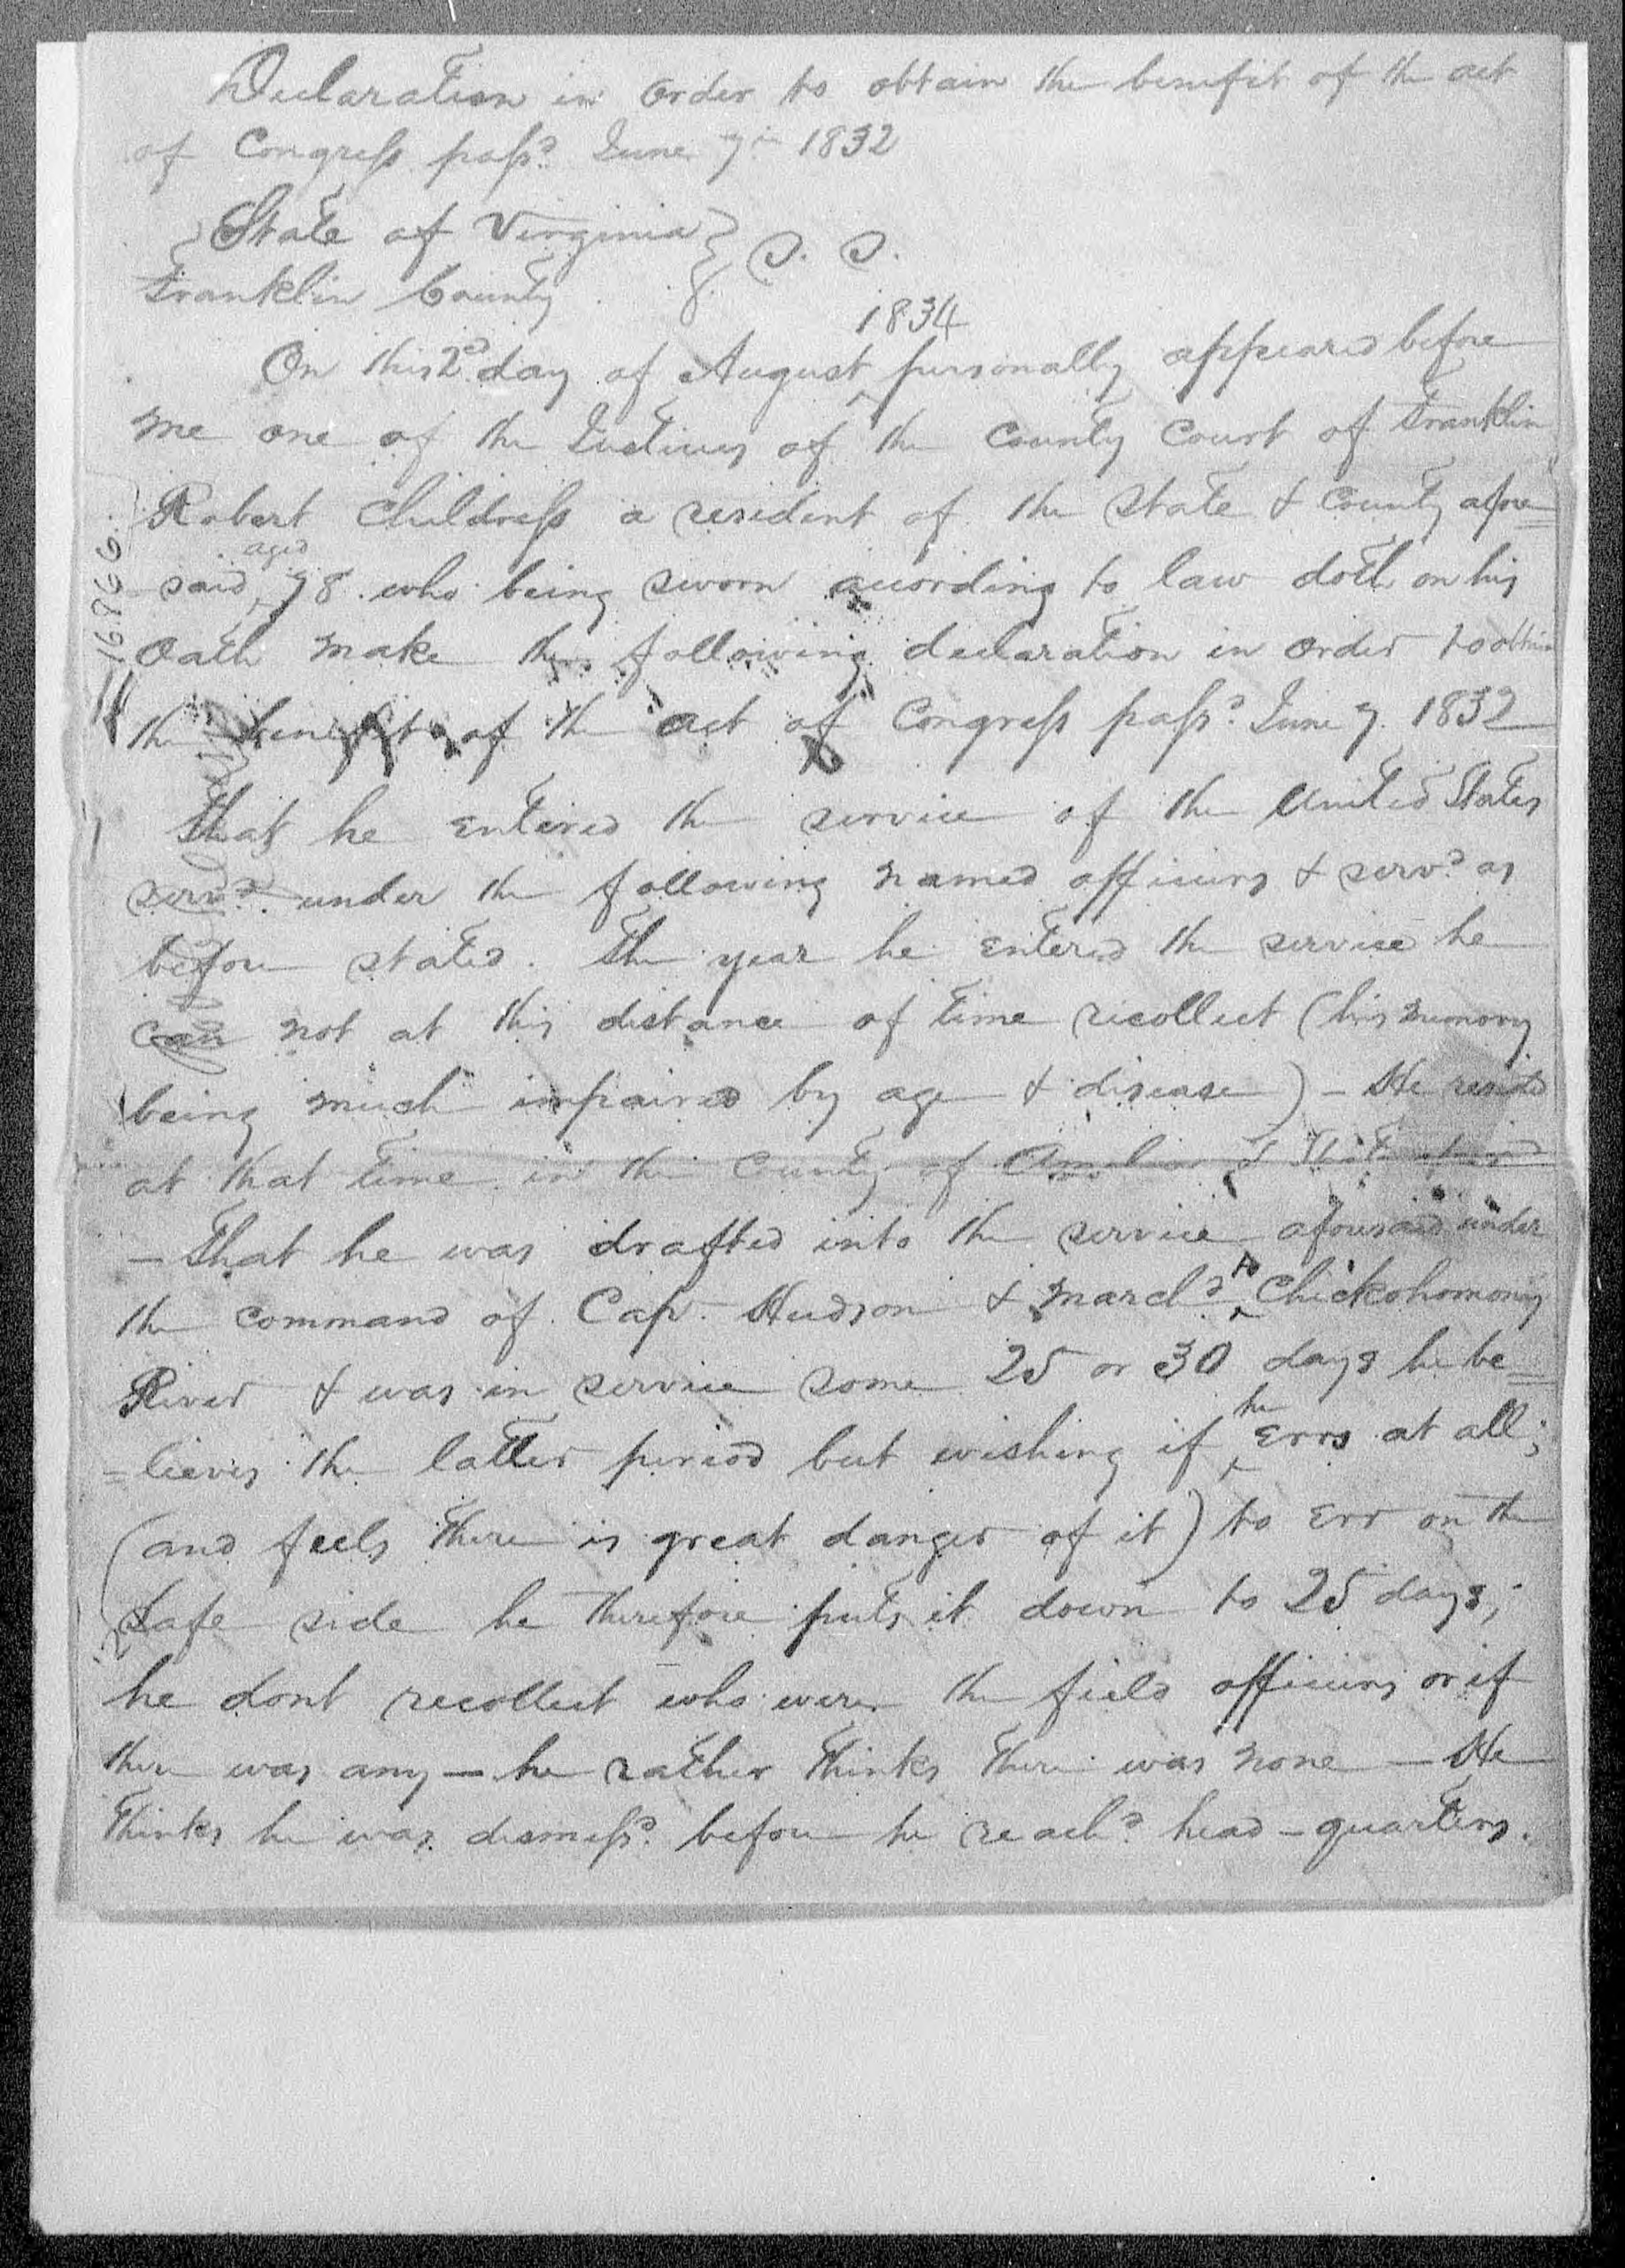Declaration in order to obtain the benefit of the act
of Congress passed June 7th 1832
State of Virginia
Franklin County

On this 2 day of August 1834 personally appeared before
me one of the Justices of the County Court of Franklin
Robert Childress a resident of the State & County afore
said aged 78 who being sworn according to law doth on his
Oath make the following declaration in order to [illegible]
the [illegible] of the act of Congress passed June 7, 1832
that he entered the service of the United States army
under the following named officers & served as
before stated. the year he entered the service he
can not at this distance of time recollect (his memory
being much impaired by age & disease)-the rest
Of that time in the County of [illegible]-
That he was drafted into the service aforesaid under the
command of Capt. Hudson & March Chickshomany
River & was in service some 25 or 30 days he
believes the latter period but wishing if he errs at all;
(and feels there is great danger of it) to err on the
safe side he therefore puts it down to 25 days;
he dont recollect who were the field officers or if
there was any- he rather thinks there was none--
thinks he was dismissed before he reached headquarters.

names: Hudson, Robert Childress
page: 2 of 25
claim: rejected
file: R. 1929, Robert Childress, Va